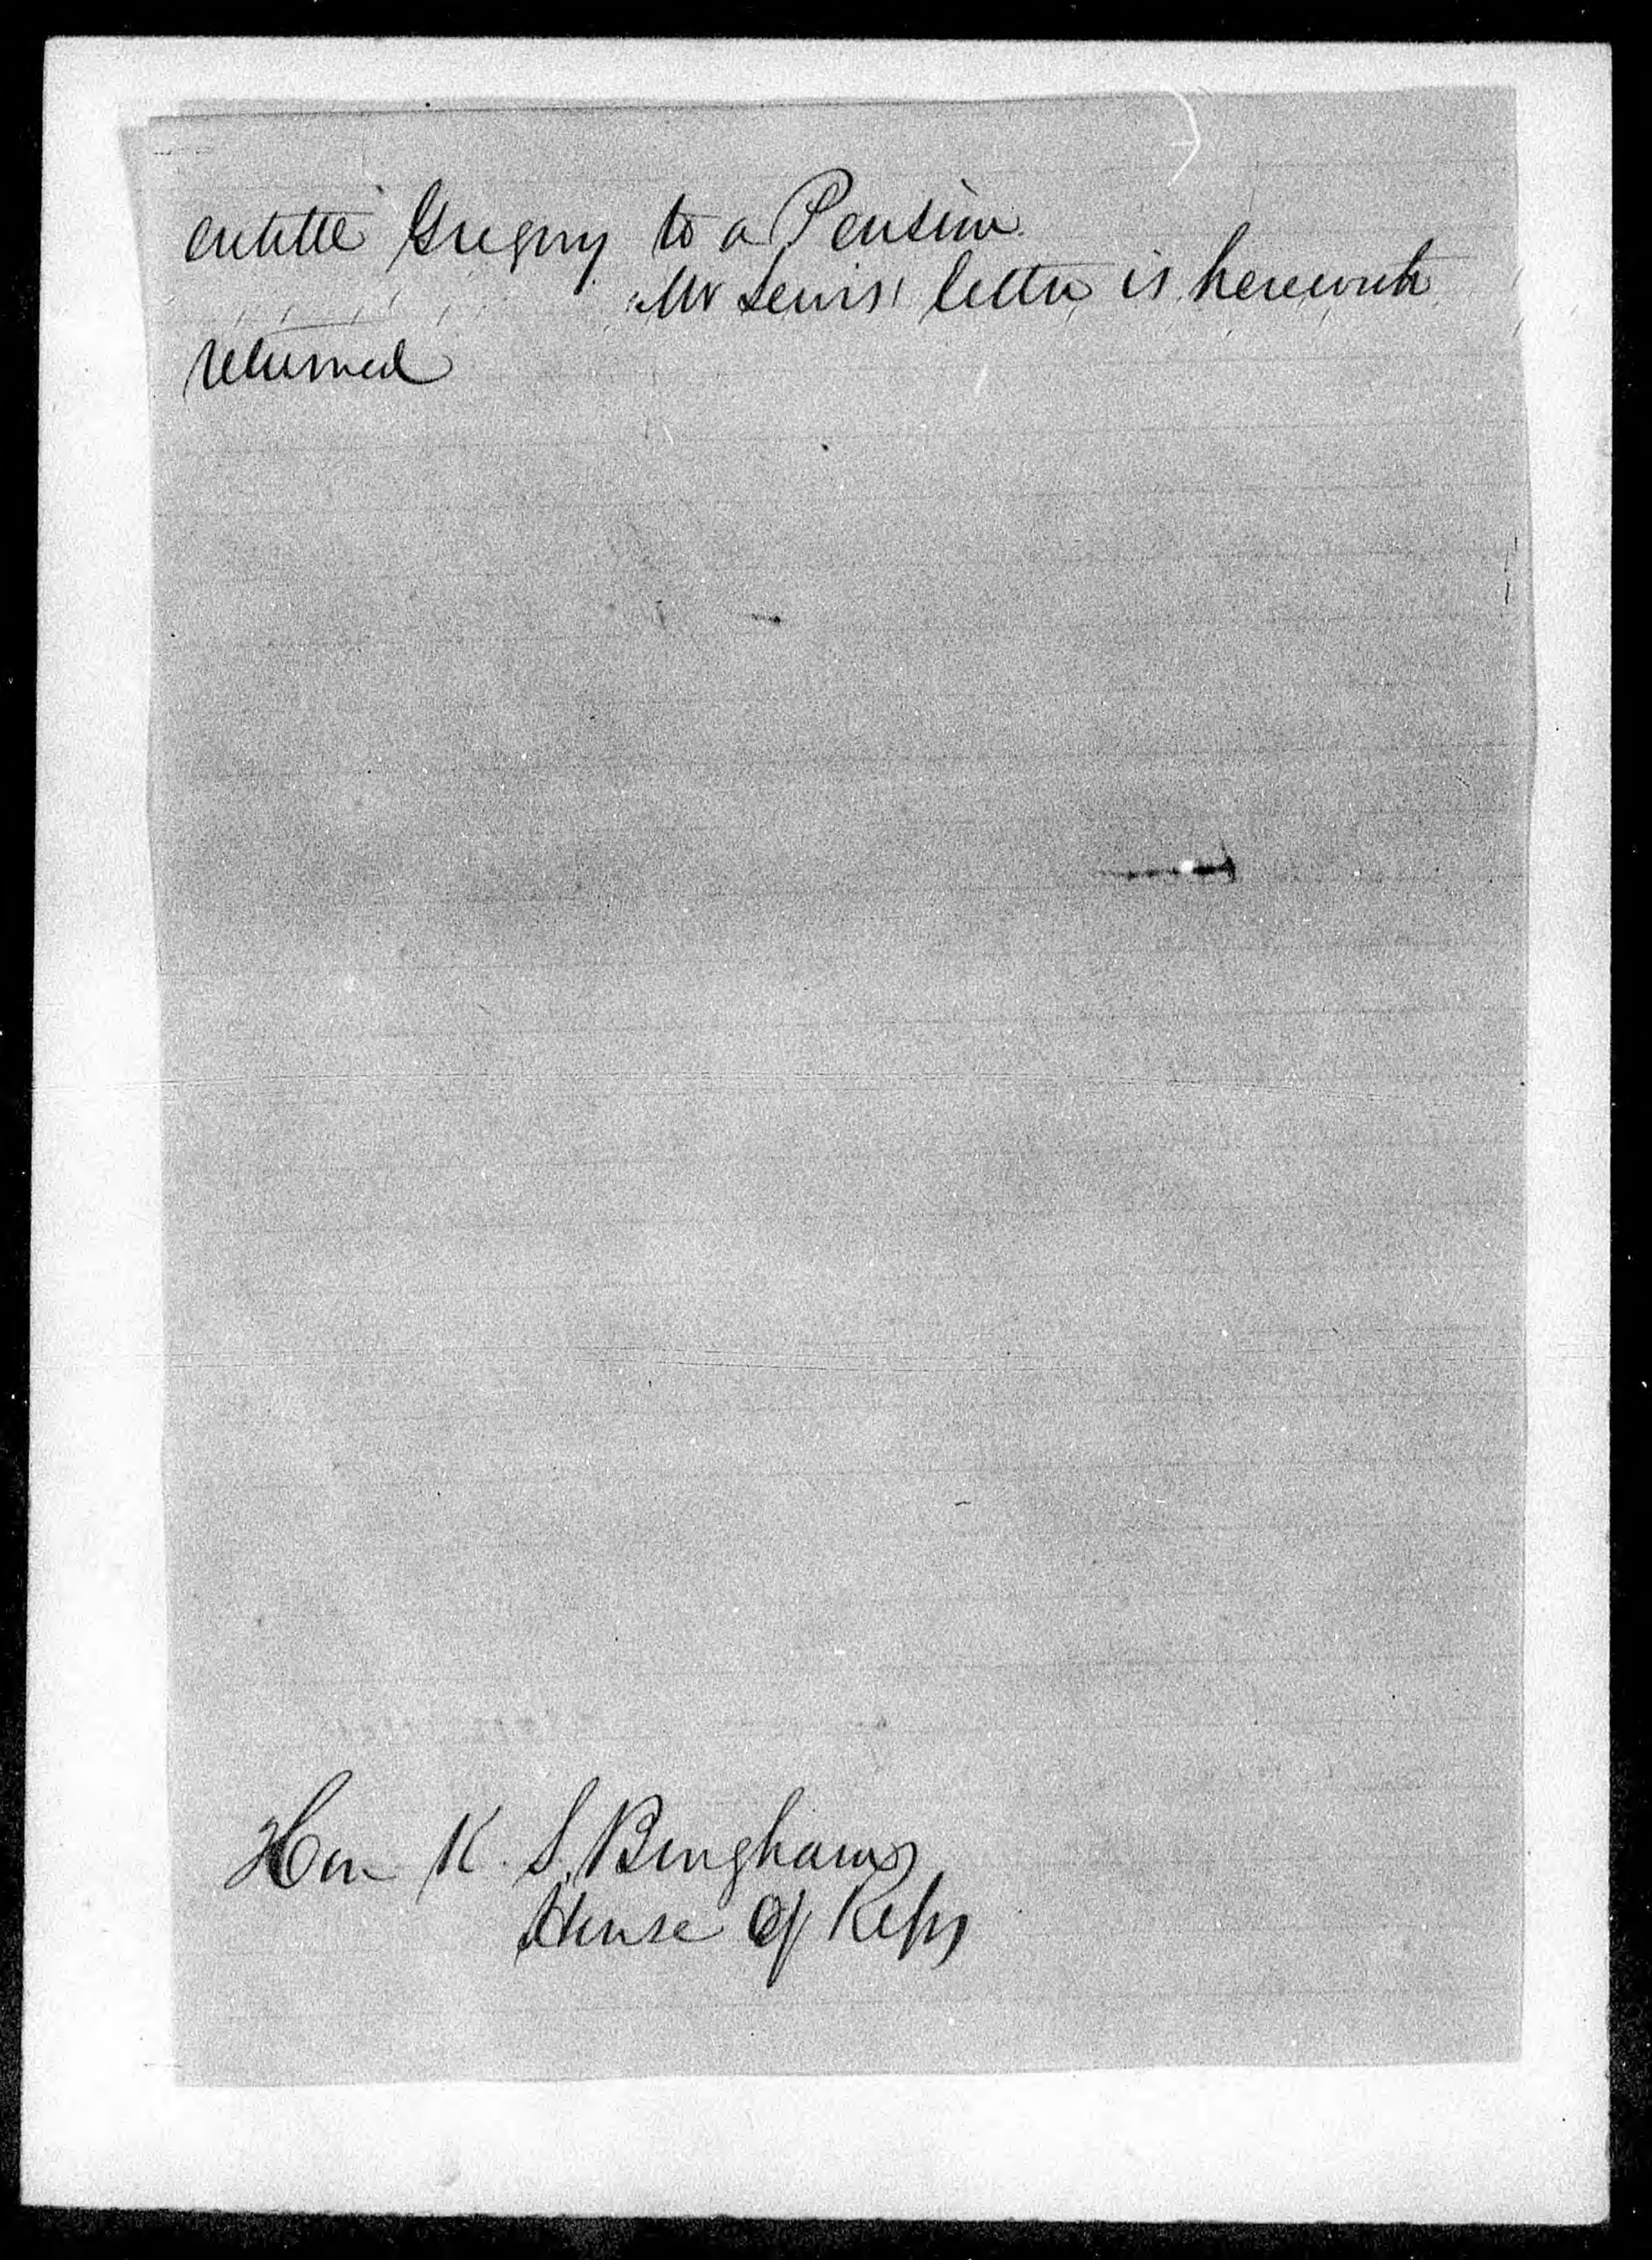Entitle Gregory to a Pension 

[illegible] letter is herewith returned

Hon M S Bingham
House of Reps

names: Lewis, K S Bingham, Gregory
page: 39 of 66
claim: rejected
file: R. 4298, Samuel Gregory, New York